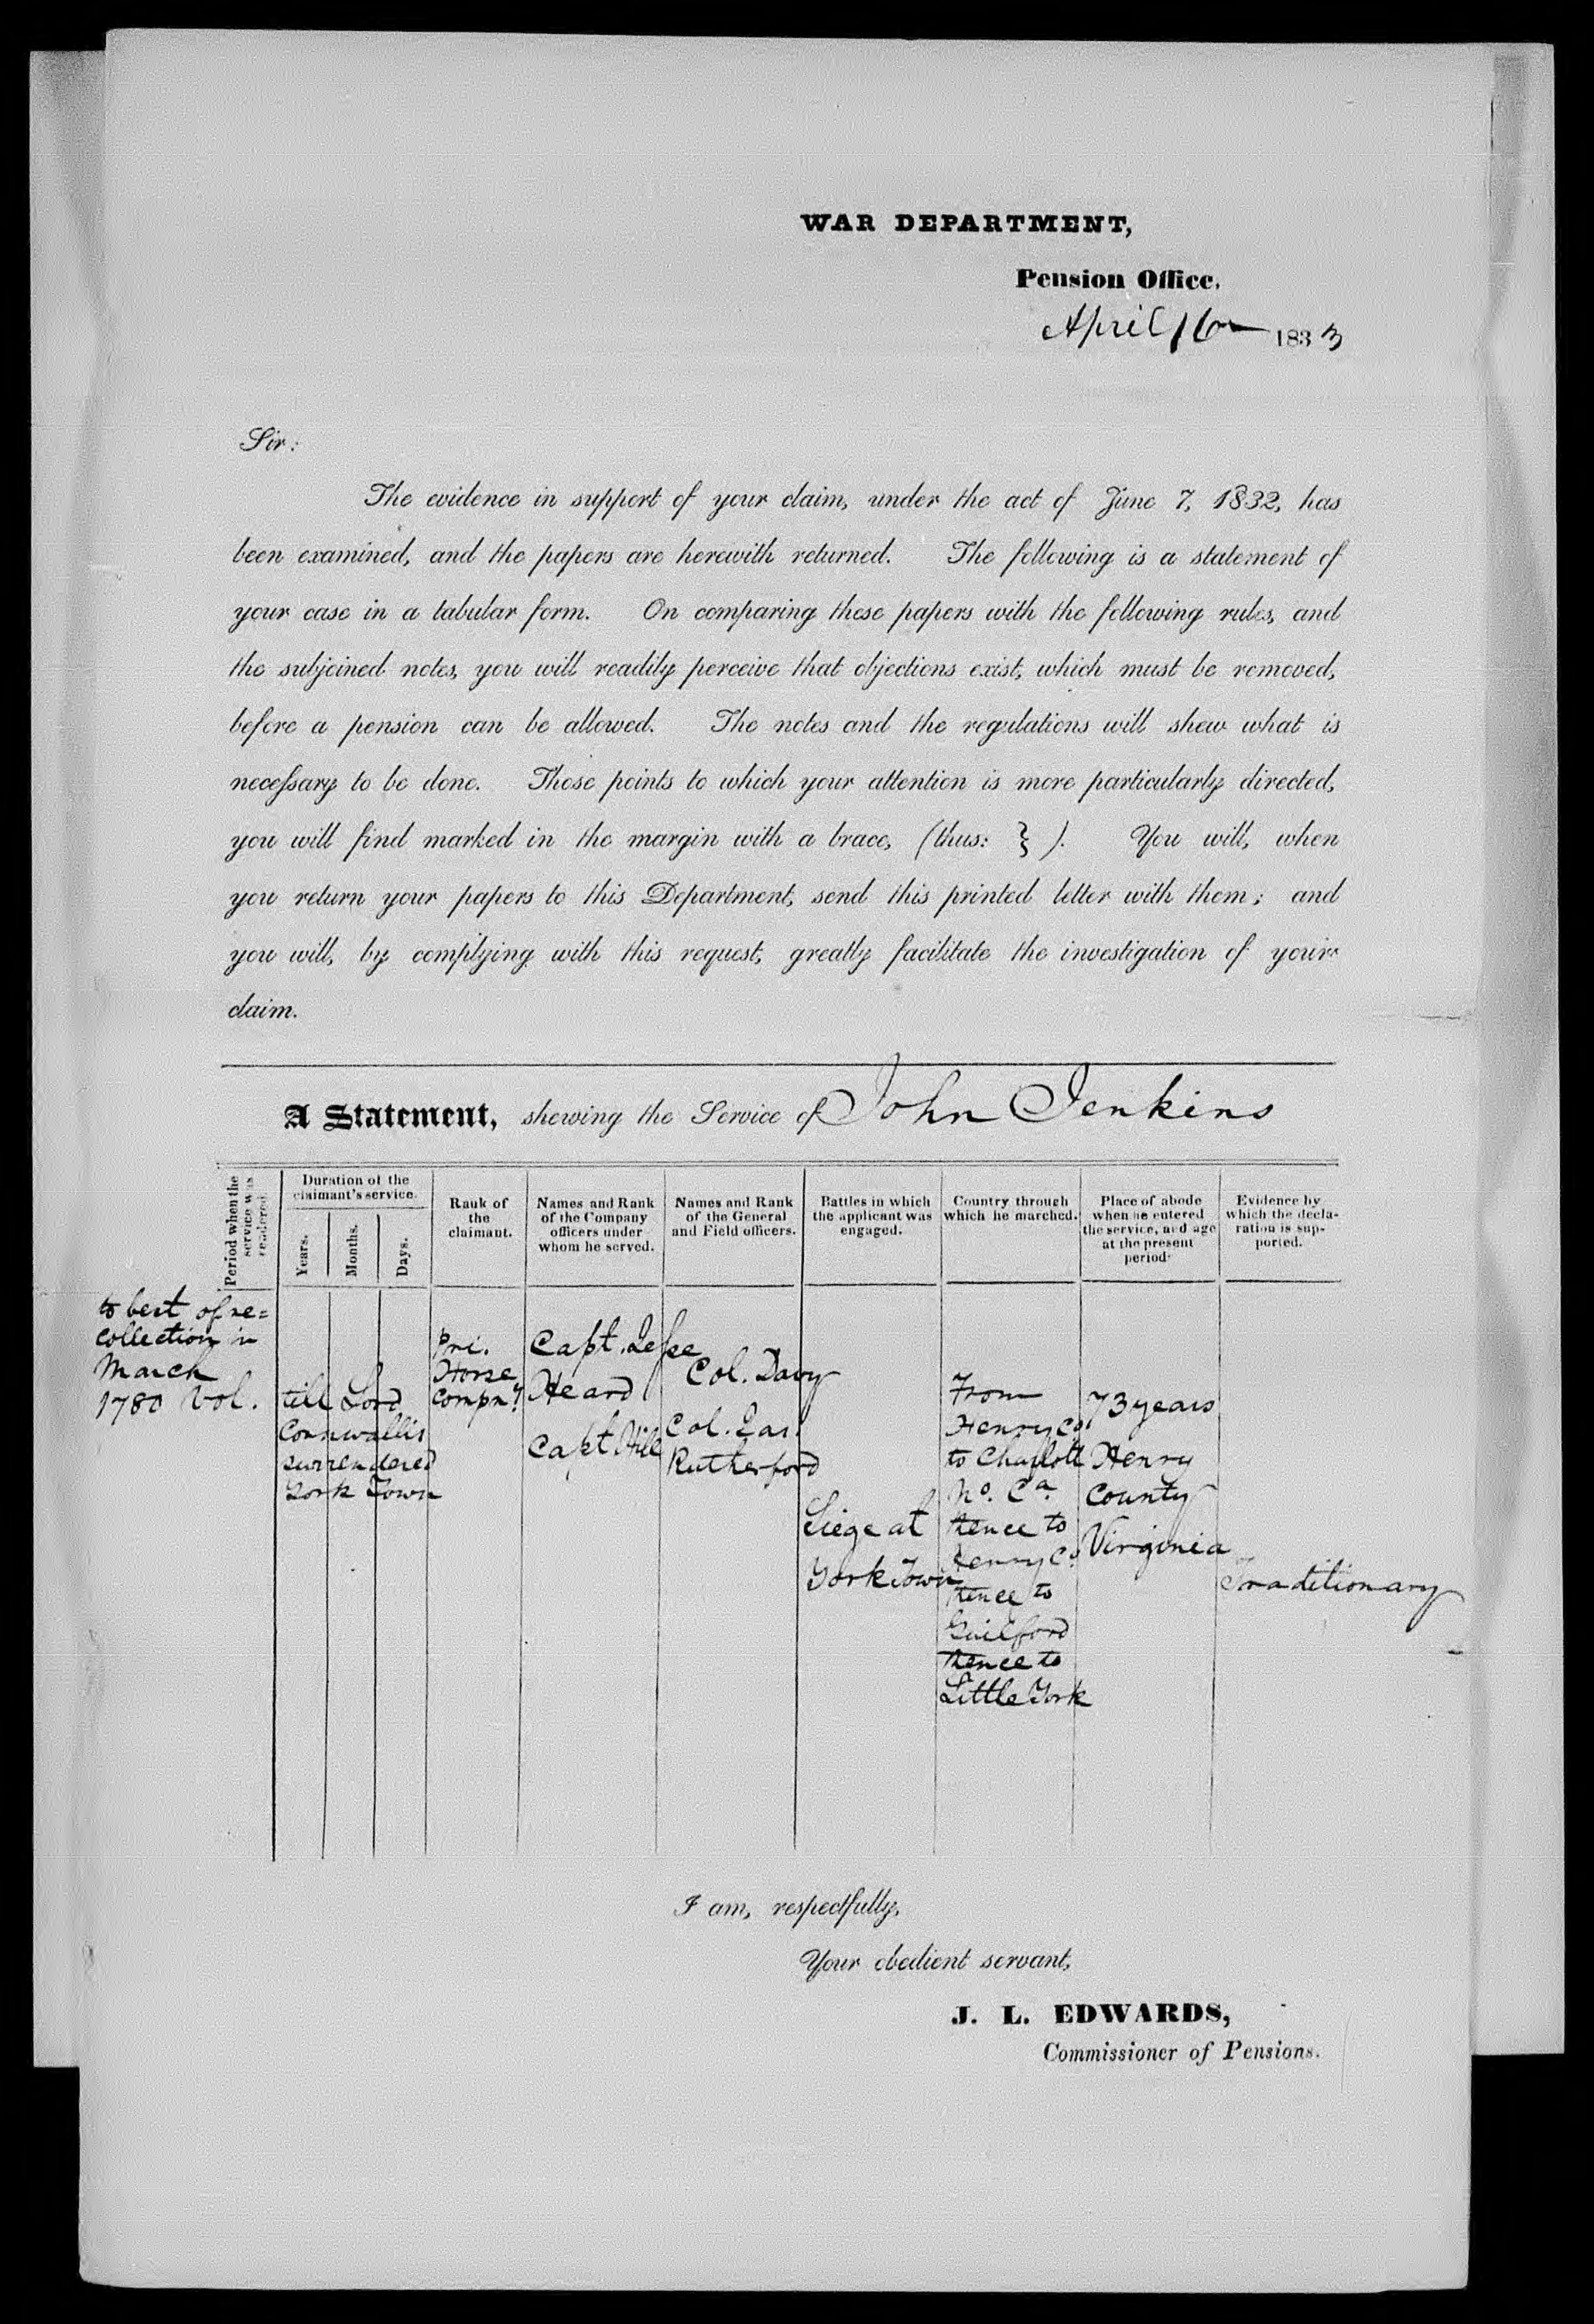WAR DEPARTMENT,
Pension Office,
April 16 1833
Sir: The evidence in support of your claim, under the act of June 7, 1832, has been examined, and the papers are herewith returned. The following is a statement of your case in a tabular form. On comparing these papers with the following rules, and the subjoined notes, you will readily perceive that objections exist, which must be removed,
before a pension can be allowed. The notes and the regulations will shew what is necessary to be done. Those points to which your attention is more particularly directed, you will find marked in the margin with a brace, (thus: } ). You will, when you return your papers to this Department, send this printed letter with them; and you will, by complying with this request, greatly facilitate the investigation of your
claim.
A Statement, shewing the Service of John Jenkins
[column headings: Period when the service was rendered | Duration of the claimant's service. |Years.| Months.| Days.| ] to best of recollection in March 1780 vol. till Lord Cornwallis surrendered York Town
[Rank of the claimant.] Pri. Horse company
[Names and Rank of the Company officers under whom he served.] Capt. Jesse Heard Capt Hill
[Names and Rank of the General and Field officers.] Col. Davy Col. James Rutherford
[Battles in which the applicant was engaged.] Siege at York Town
[Country through which he marched.] From Henry Co to Charlotte No. Ca. thence to Henry Co. thence to Guilford thence to Little York
[Place of abode when he entered the service, and age at the present period.] 73 years Henry County Virginia
[Evidence by which the declaration is supported.] Traditionary
I am, respectfully Your obedient servant, 
J. L. EDWARDS, Commissioner of Pensions.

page: 21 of 55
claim: widow's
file: W. 7894, for John Jenkins, Virginia